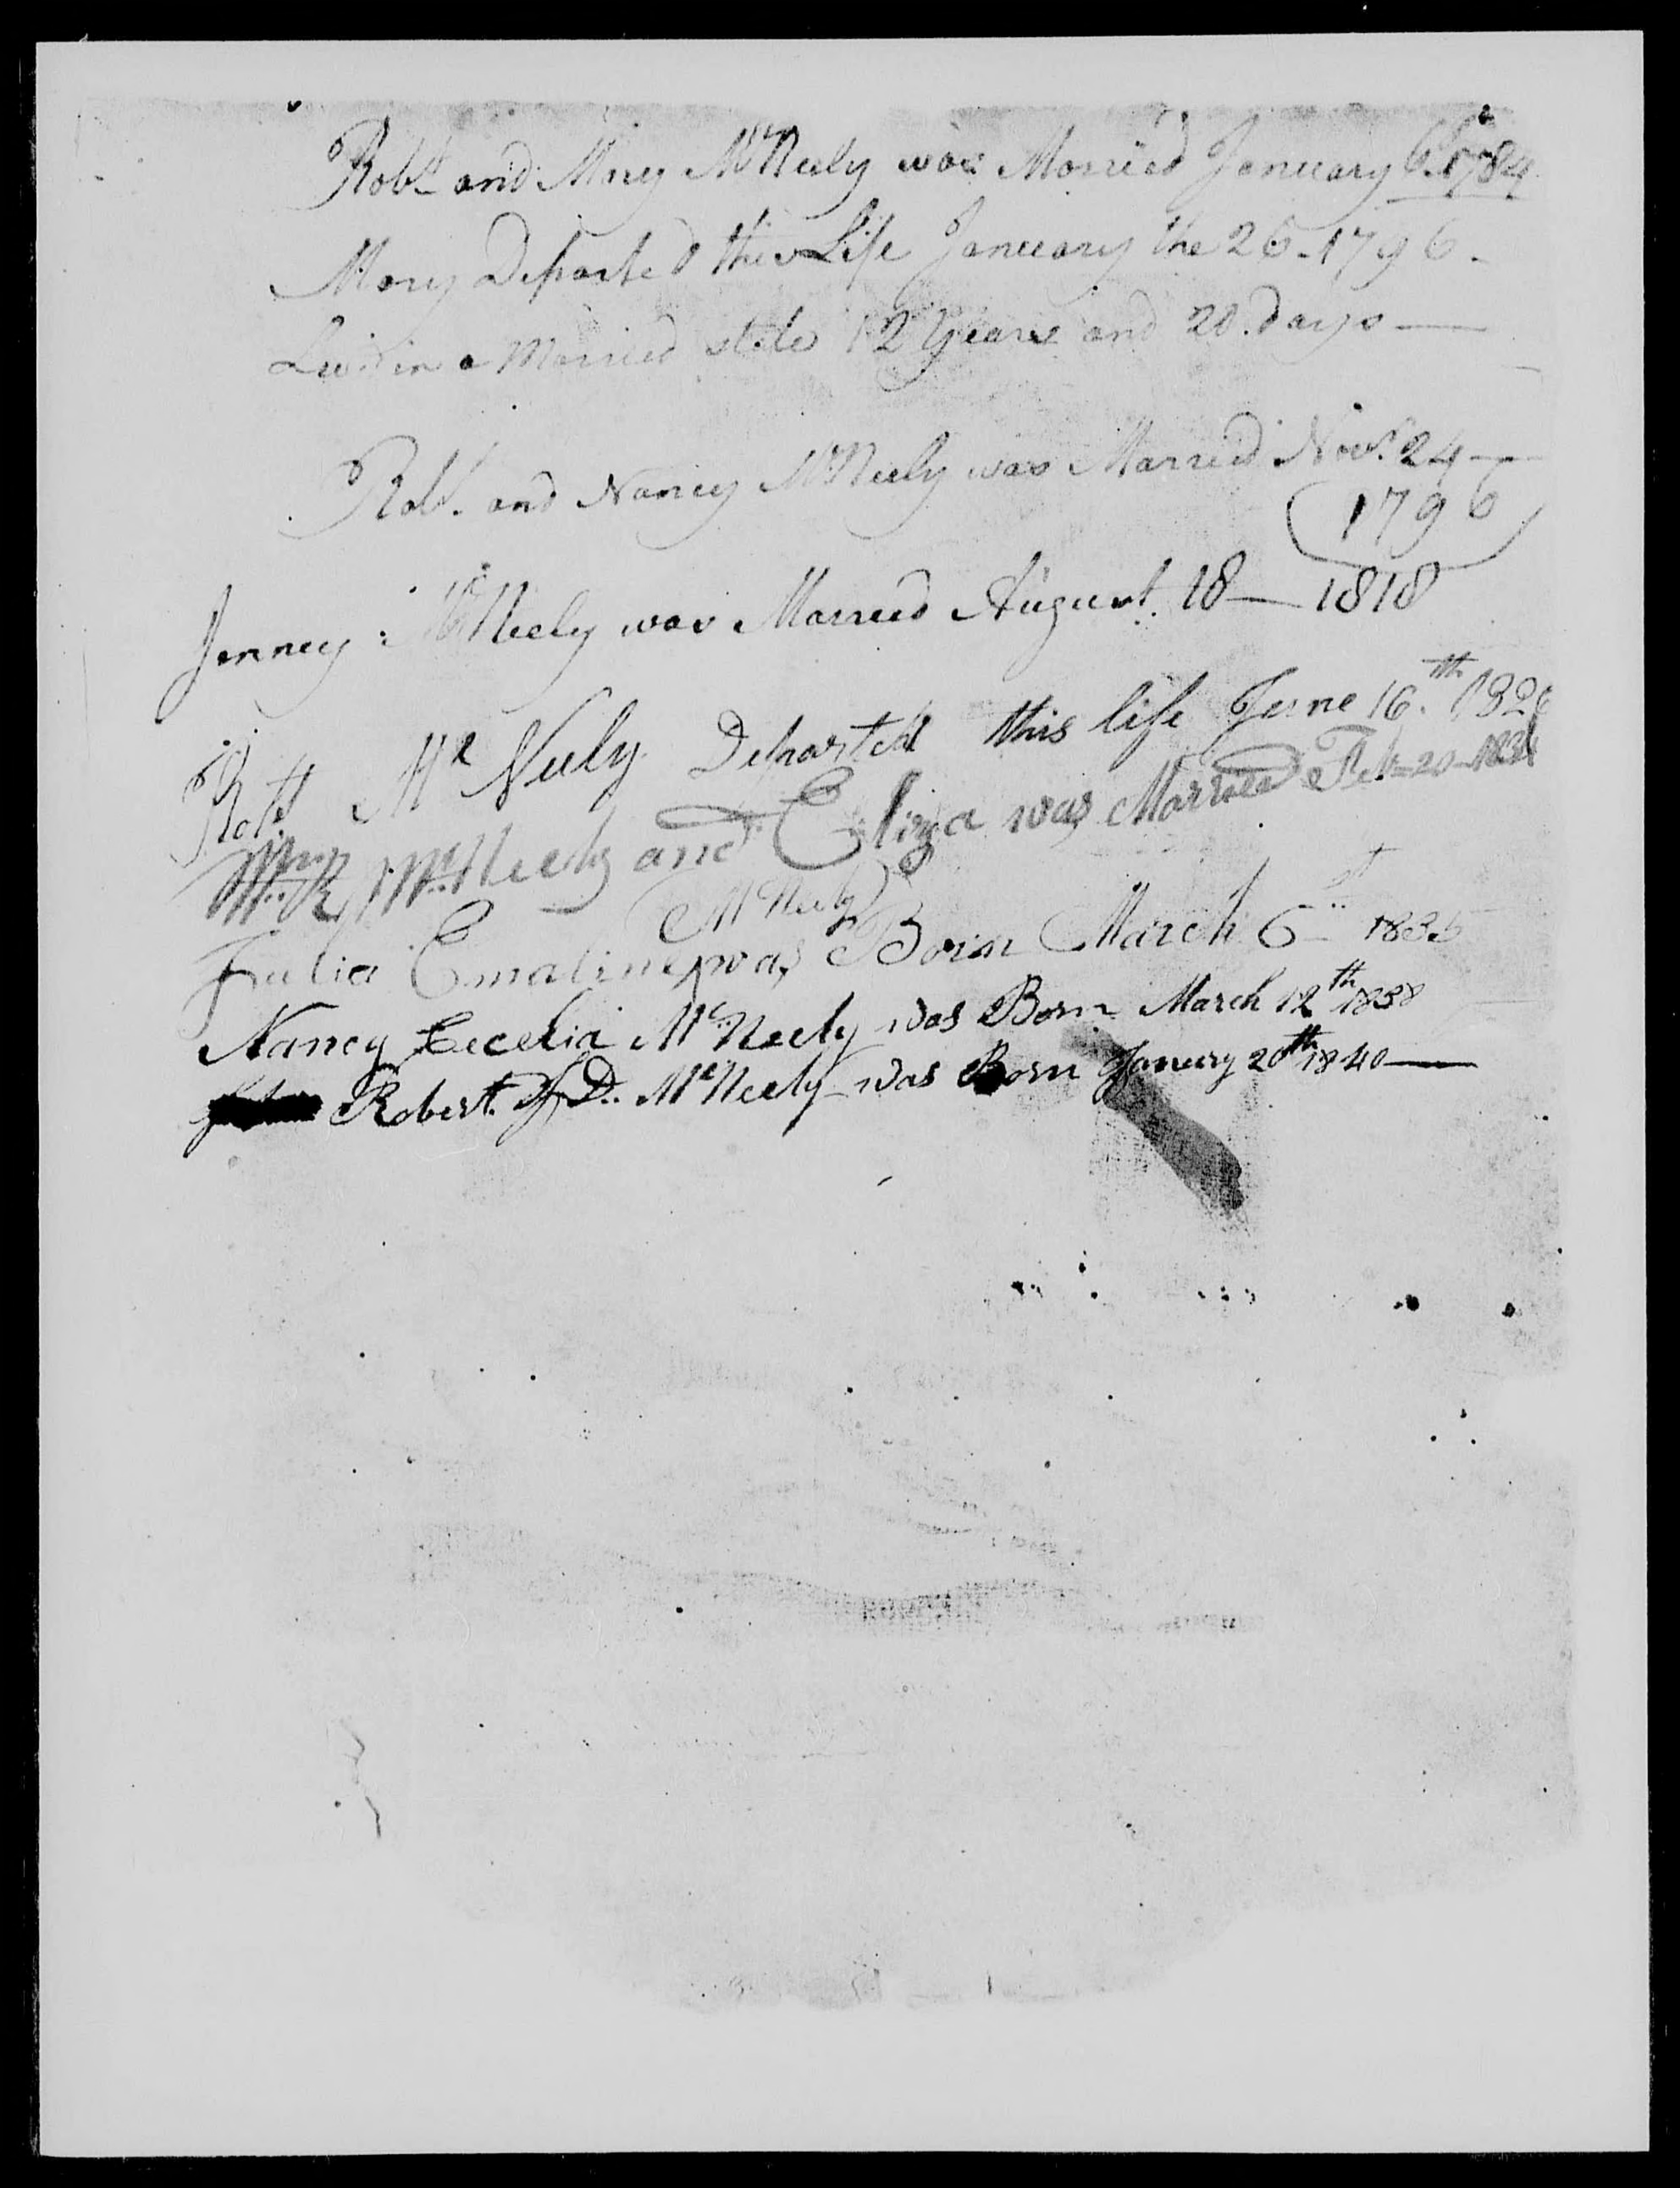Robt and Mary McNeely was Married January 1784
Mary departed this life January the 25, 1796
Lived in a married state 12 years and 20 days
Robt and Nancy McNeely was Married Novr 24 1796
Jenney McNeely was Married August 18 1818
Robt McNeely departed this life June 16th 1826
Wm R McNeely and Eliza was Married Feb 20 1834
Julia Emmaline McNeely was Born March 6 1835
Nancy Cecelia McNeely was Born March 12th 1838
Robert J. D. McNeely was Born January 20th 1840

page: 2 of 13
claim: rejected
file: R. 6801, for Robert Mc Neely, Pennsylvania